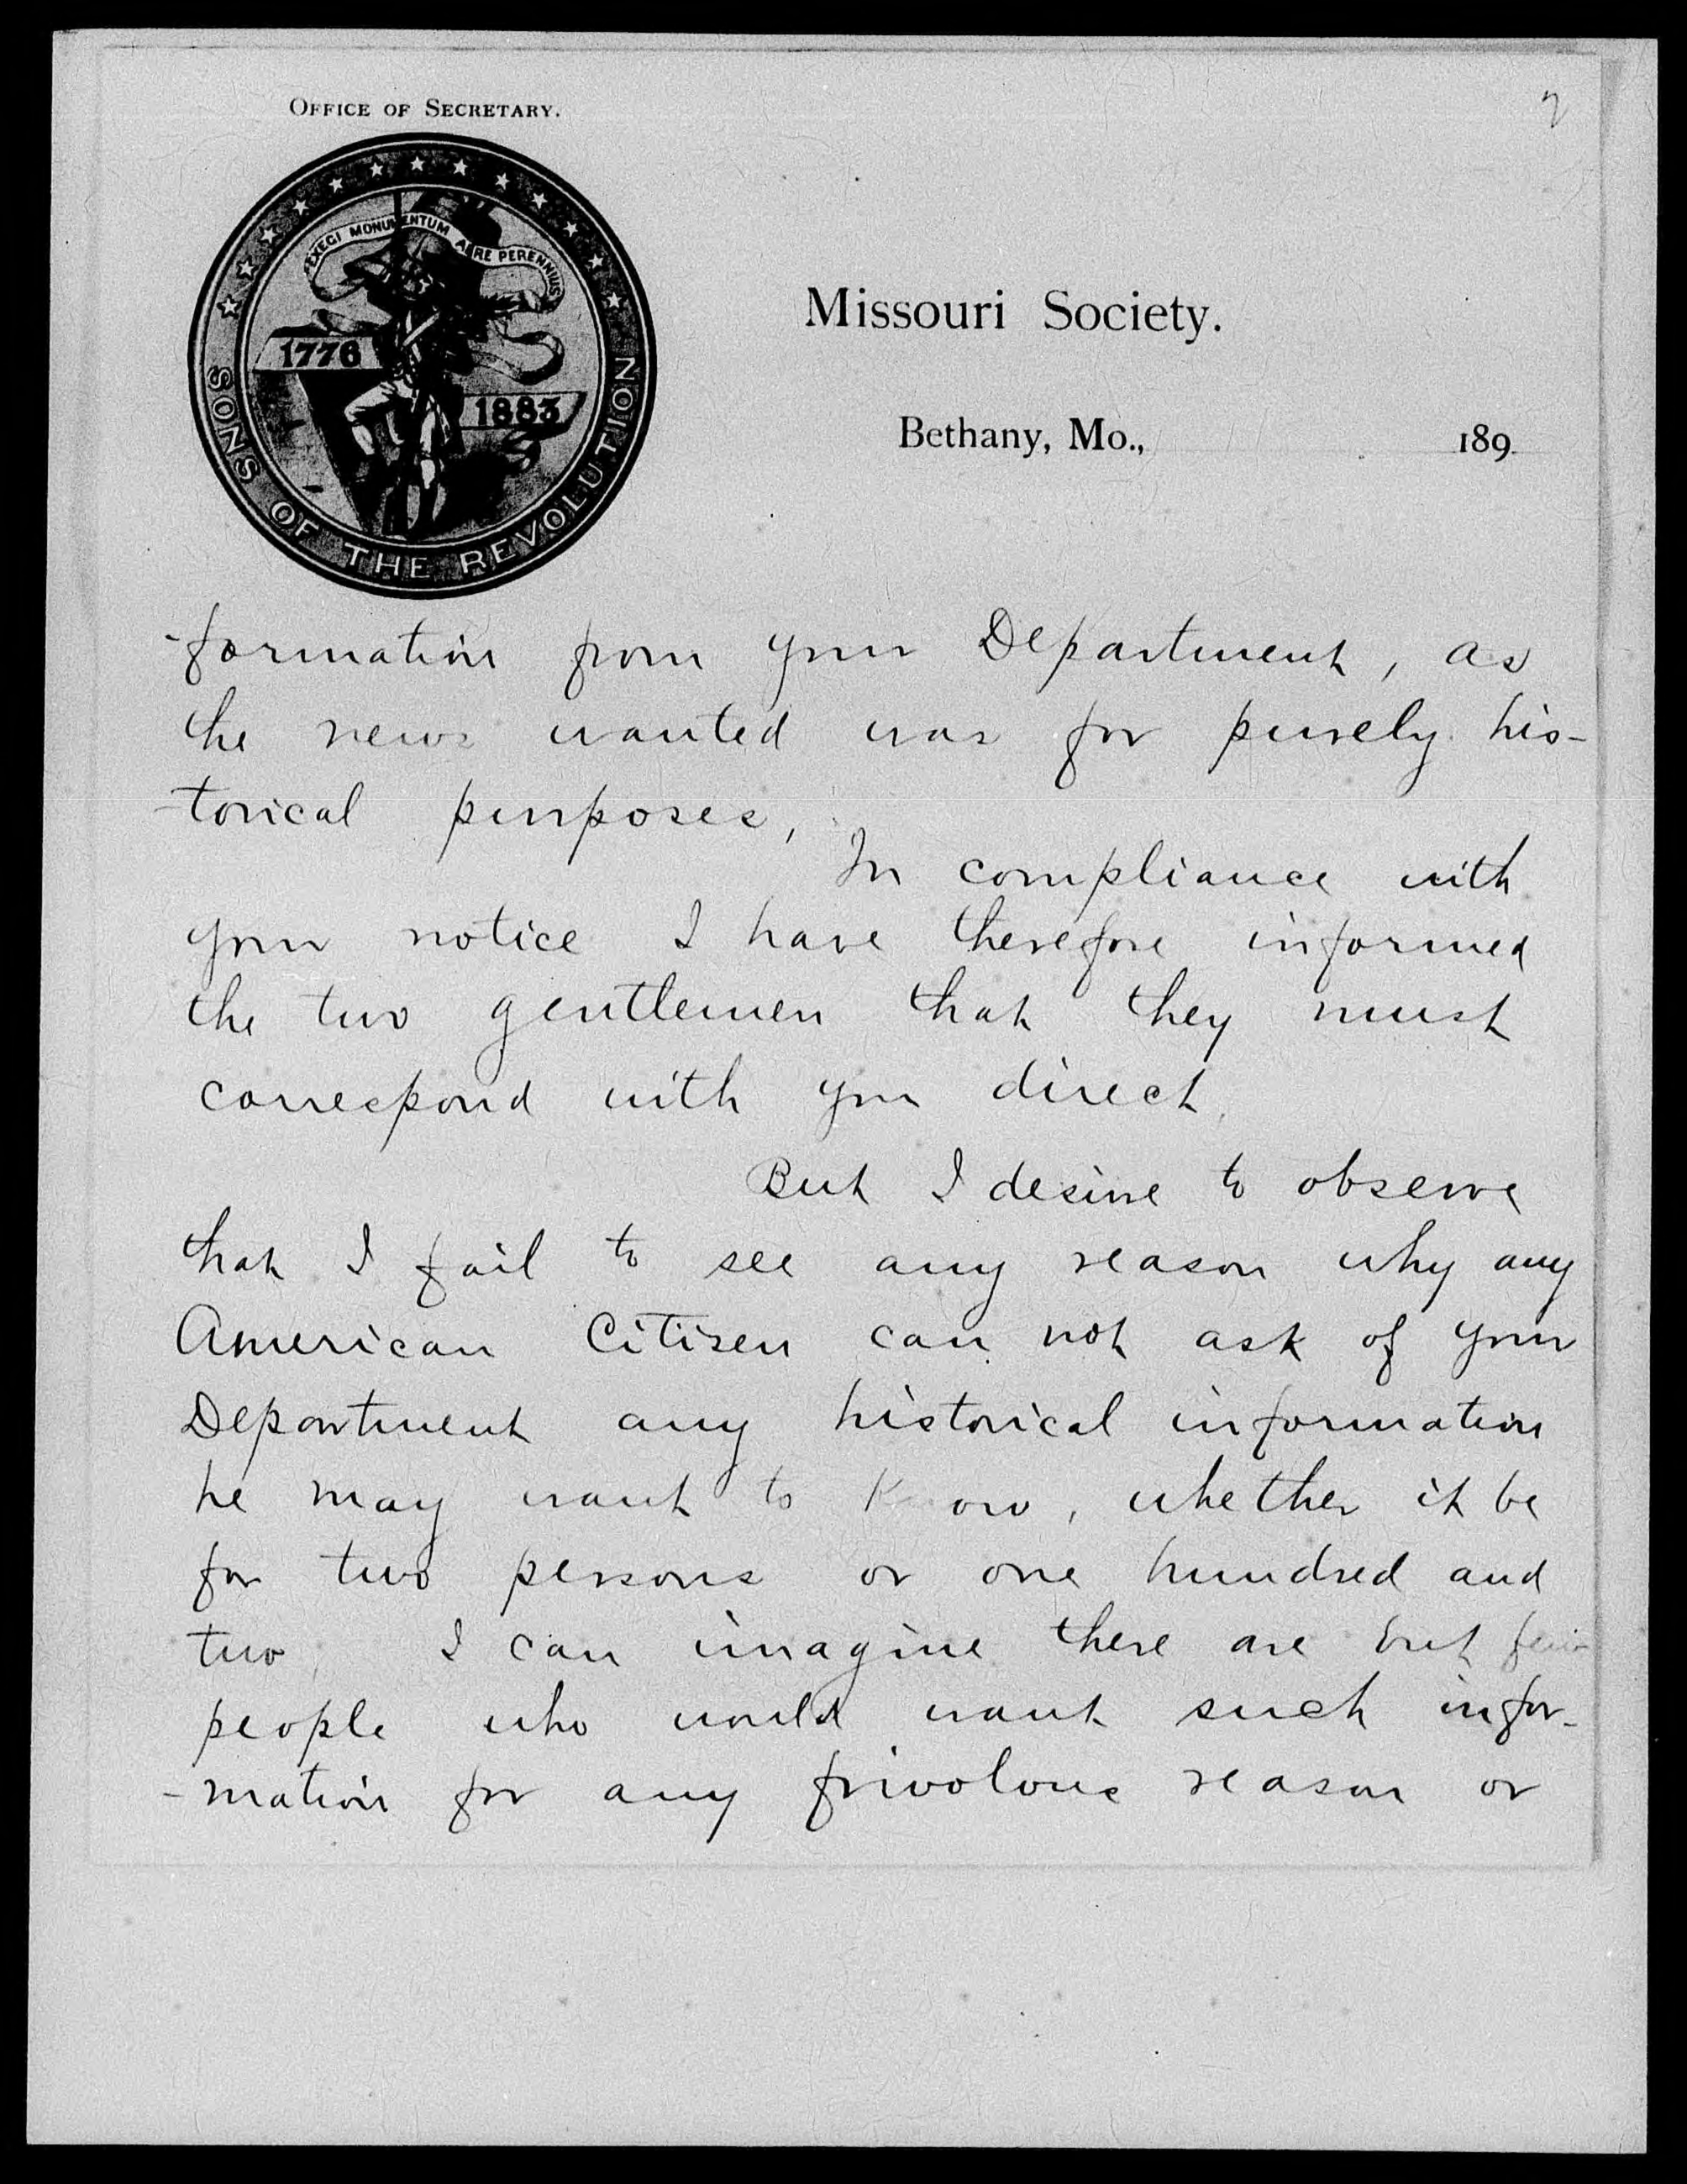Office of Secretary
[seal] SONS OF THE REVOLUTION 1776 1883
Missouri Society. Bethany, Mo.,--- 27 189

formation from your Department, as the news wanted was for purely historical purposes.
In compliance with your notice I have therefore informed the two gentlemen that they must correspond with you direct.
But I desire to observe that I fail to see any reason why any American Citizen can not ask of your Department any historical information he may want to know, whether it be for two pensions or one hundred and two. I can imagine there are but few people who would want such information for any frivolous reason or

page: 37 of 53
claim: widow's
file: W. 492, for Daniel Lamprey, New Hampshire